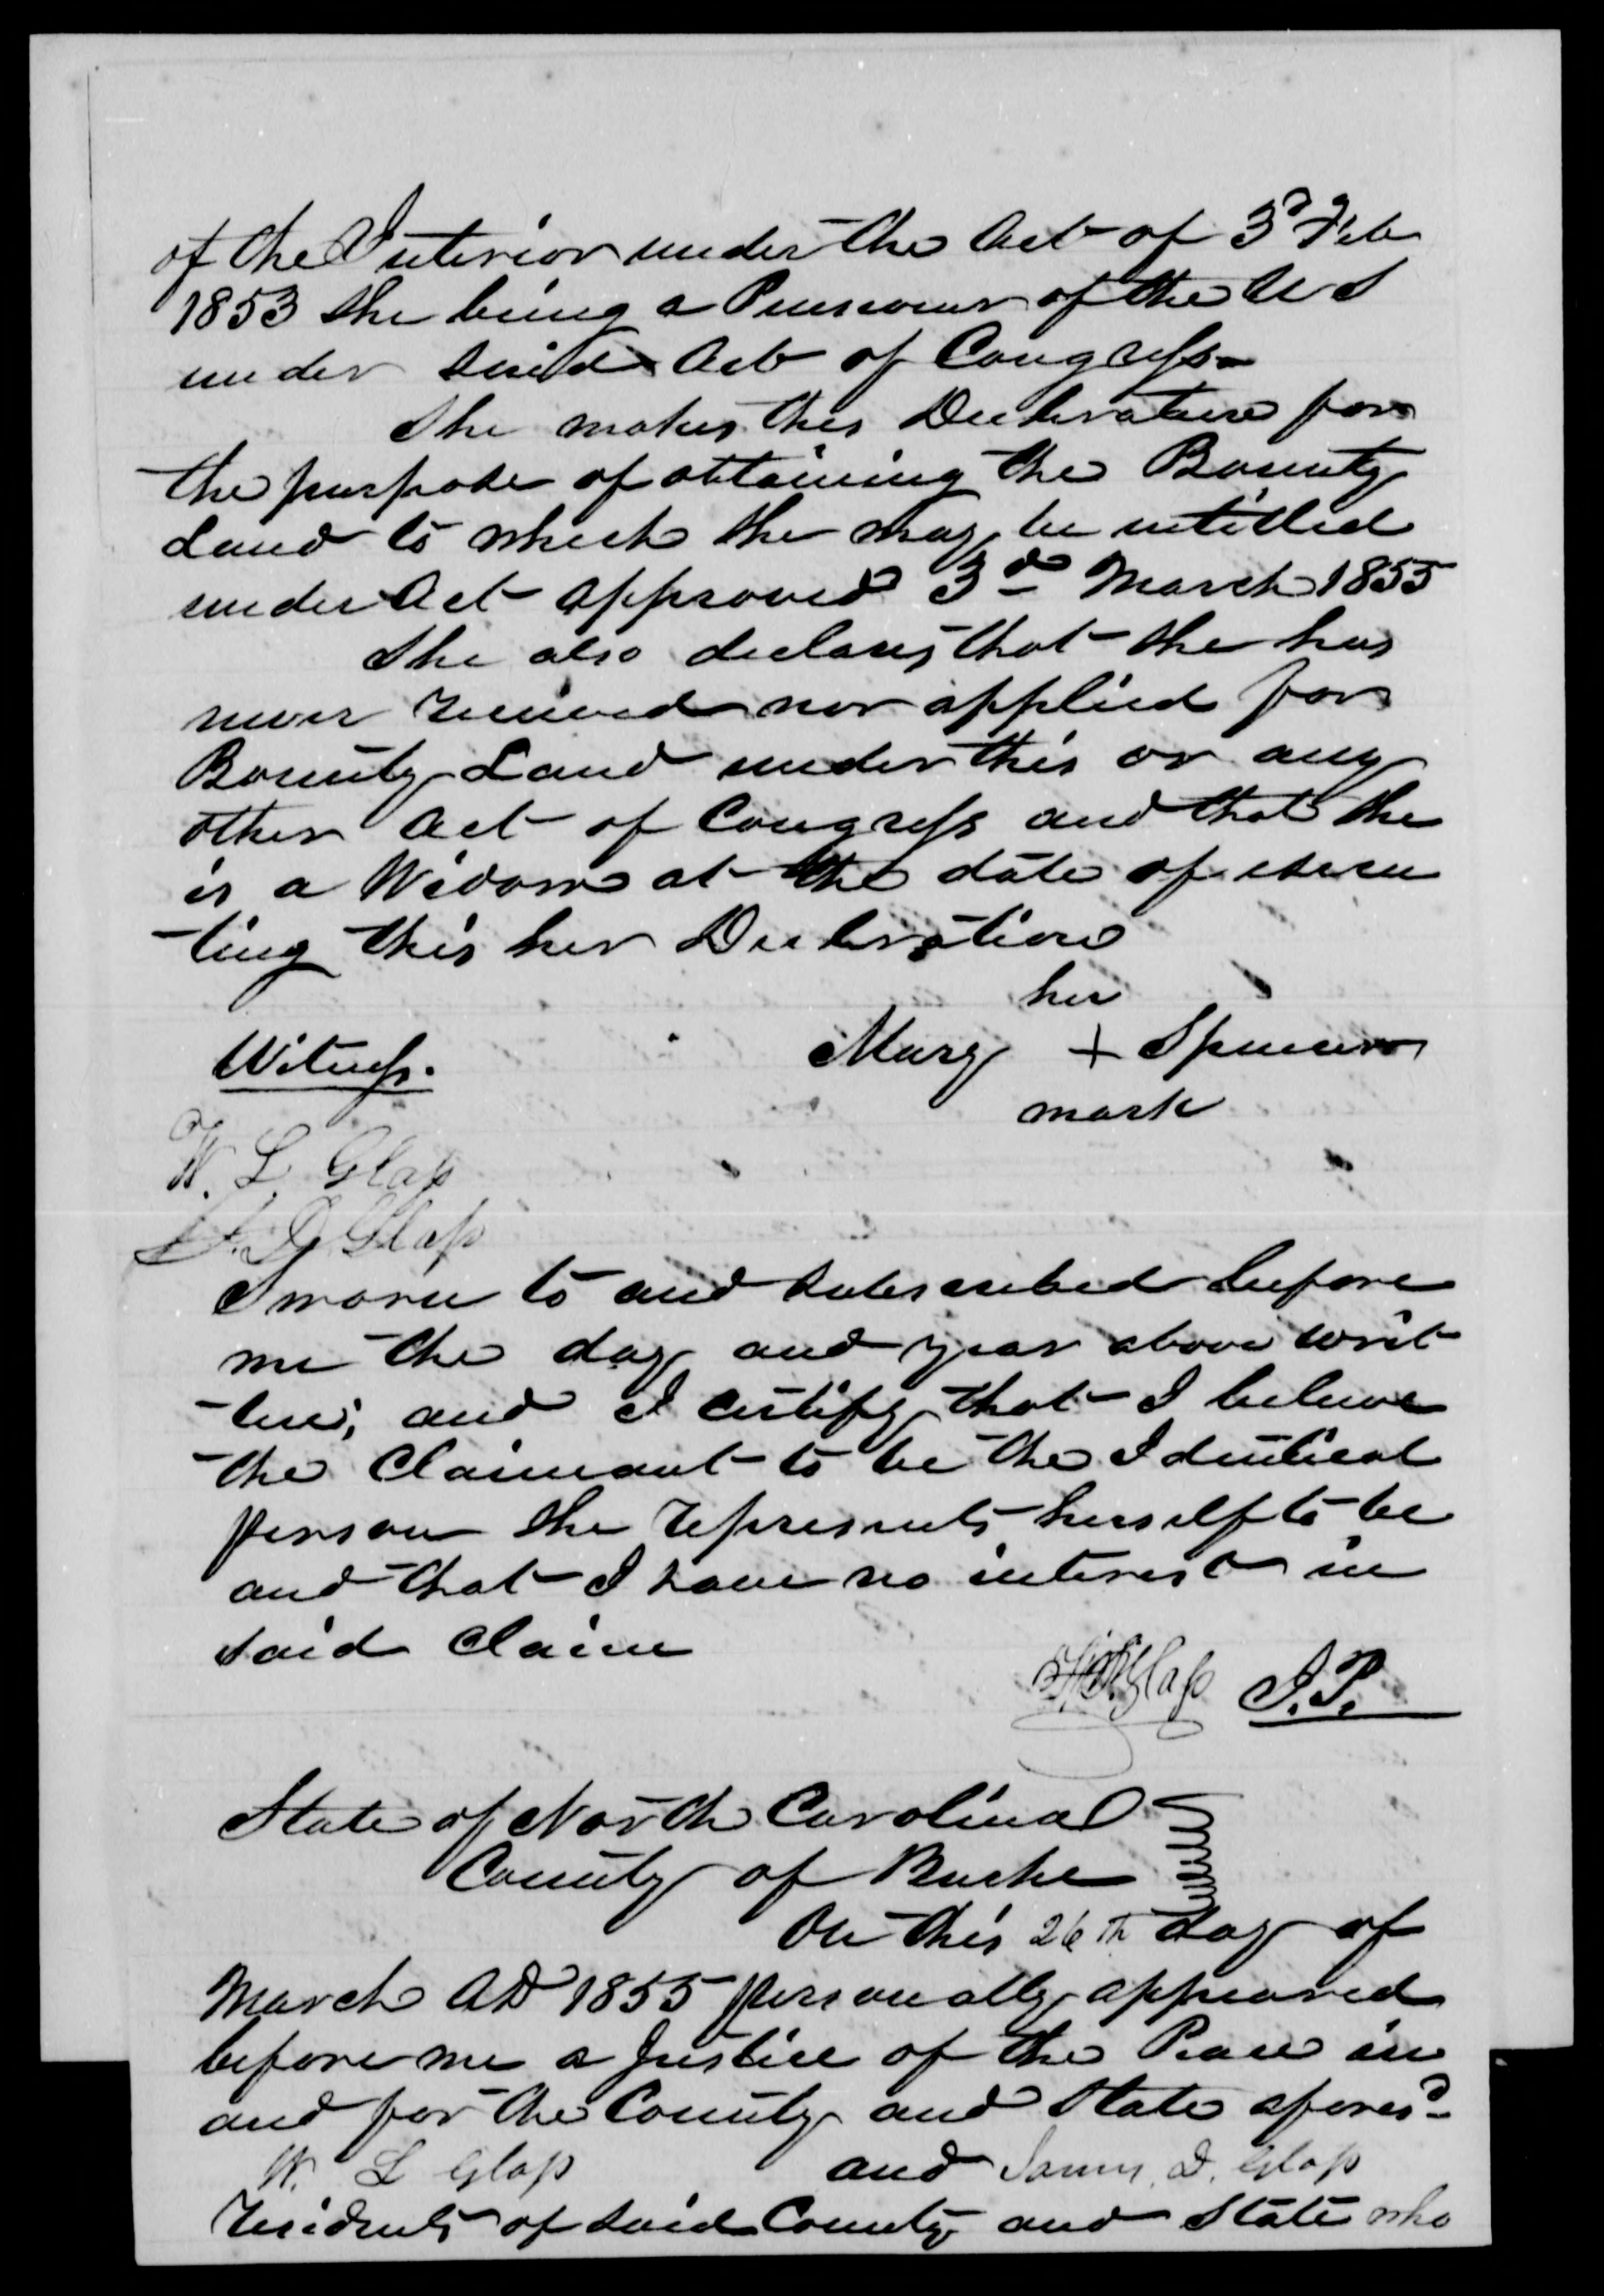of the Interior under the act of 3d Feb
1853 She being a Pensioner of the US
under said act of Congress
She makes this Declaration for
the purpose of obtaining the Bounty
land to which she may be entitled
under act approved 3d March 1855
she also declares that she has
never received nor applied for
Bounty Land under this or any
other act of Congress and that the
is a widow at the date of executing this her Declaration
her
Mary Spencer
mark
Witness
W L Glass
J D Glass
Sworn to and subscribed before
me the day and year above written and I certify that I believe
the claimant to be the Identical
person she represents herself to be
and that I have no interest in
said claim
F. P. Glass J.P.
mark
State of North Carolina
County of Burke
On this 26th day of
March AD 1855 personally appeared
before me a Justice of the Peace in
and for the County and State aforesaid
W L Glass
and James D. Glass
residents of said County and State who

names: James D Glass; J D Glass; W L Glass; W L Glass; F P Glass; Mary Spencer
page: 19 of 63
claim: widow's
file: W. 6158, for Benjamin Spencer, North Carolina